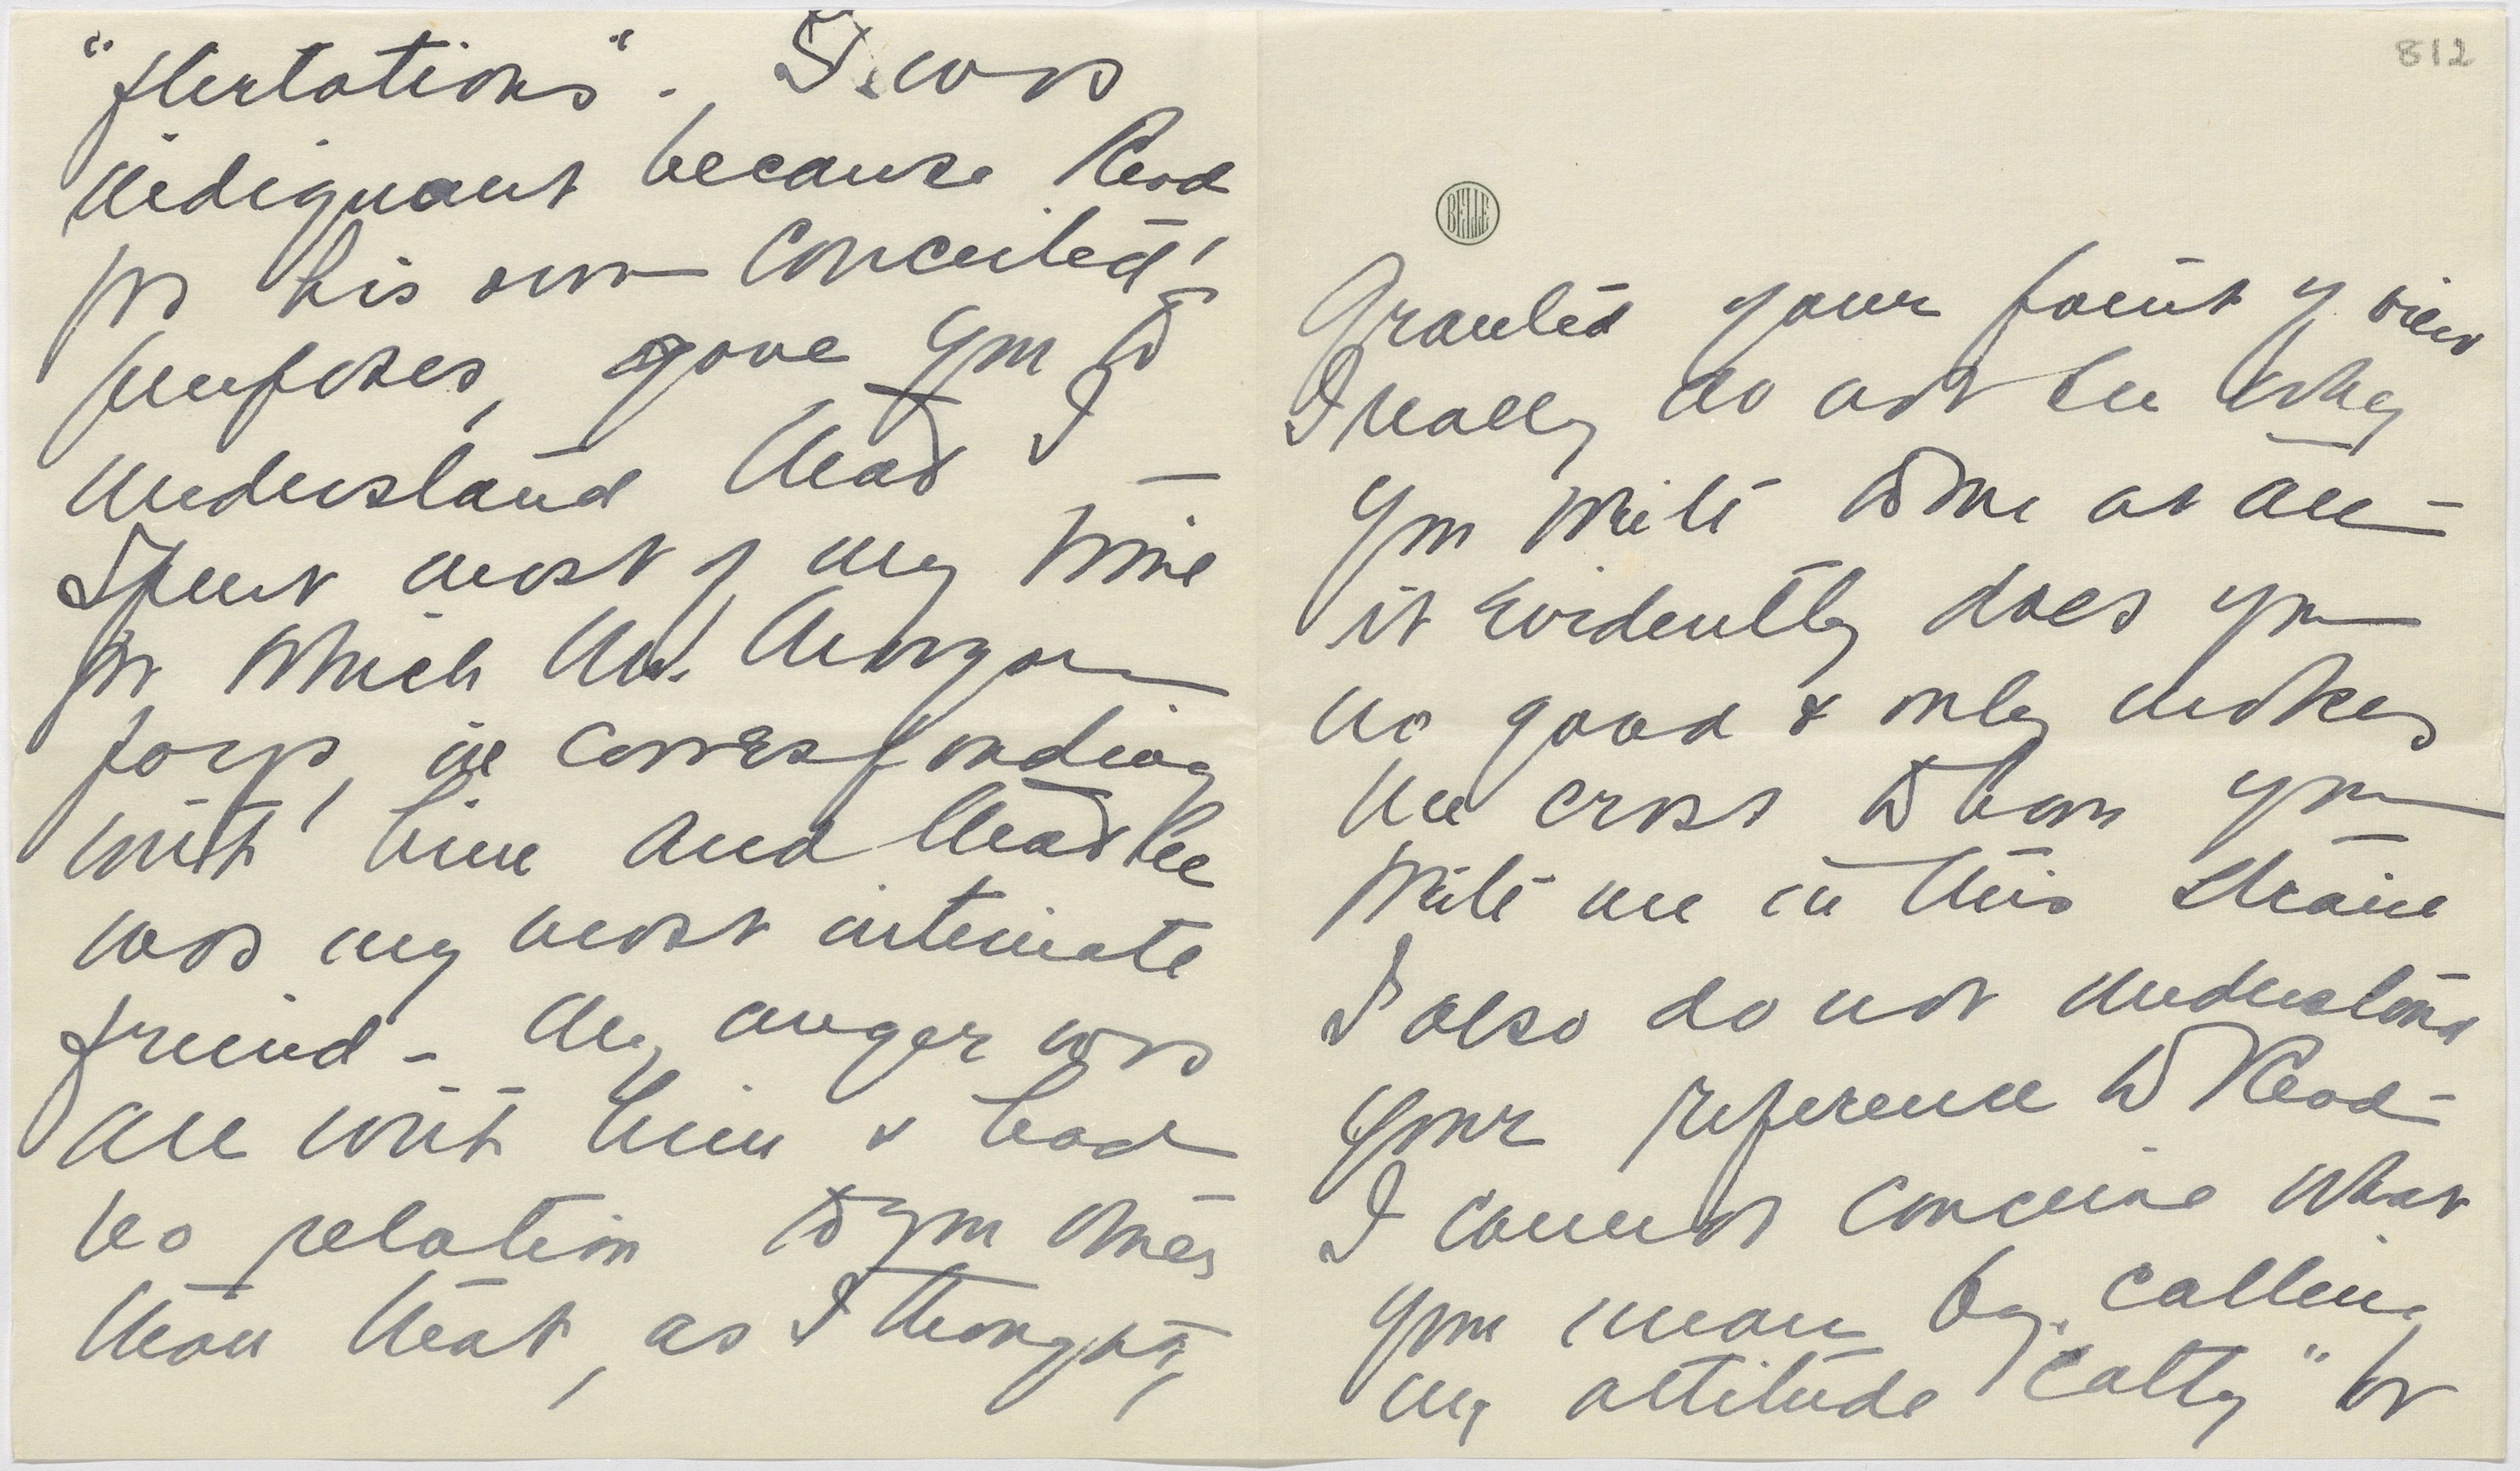Granted your point of view I really do not see why you write to me at all – it evidently does you no good & only makes me cross to have you write me in this strain
I also do not understand your reference to Read – I cannot conceive what you mean by calling my attitude “catty” or
“flirtatious”. I was indignant because Read, for his own conceited purposes, gave you to understand that I spent most of my time for which Mr. Morgan pays, in corresponding with him and that he was my most intimate friend – my anger was all with him & had no relation to you other than that, as I thought,